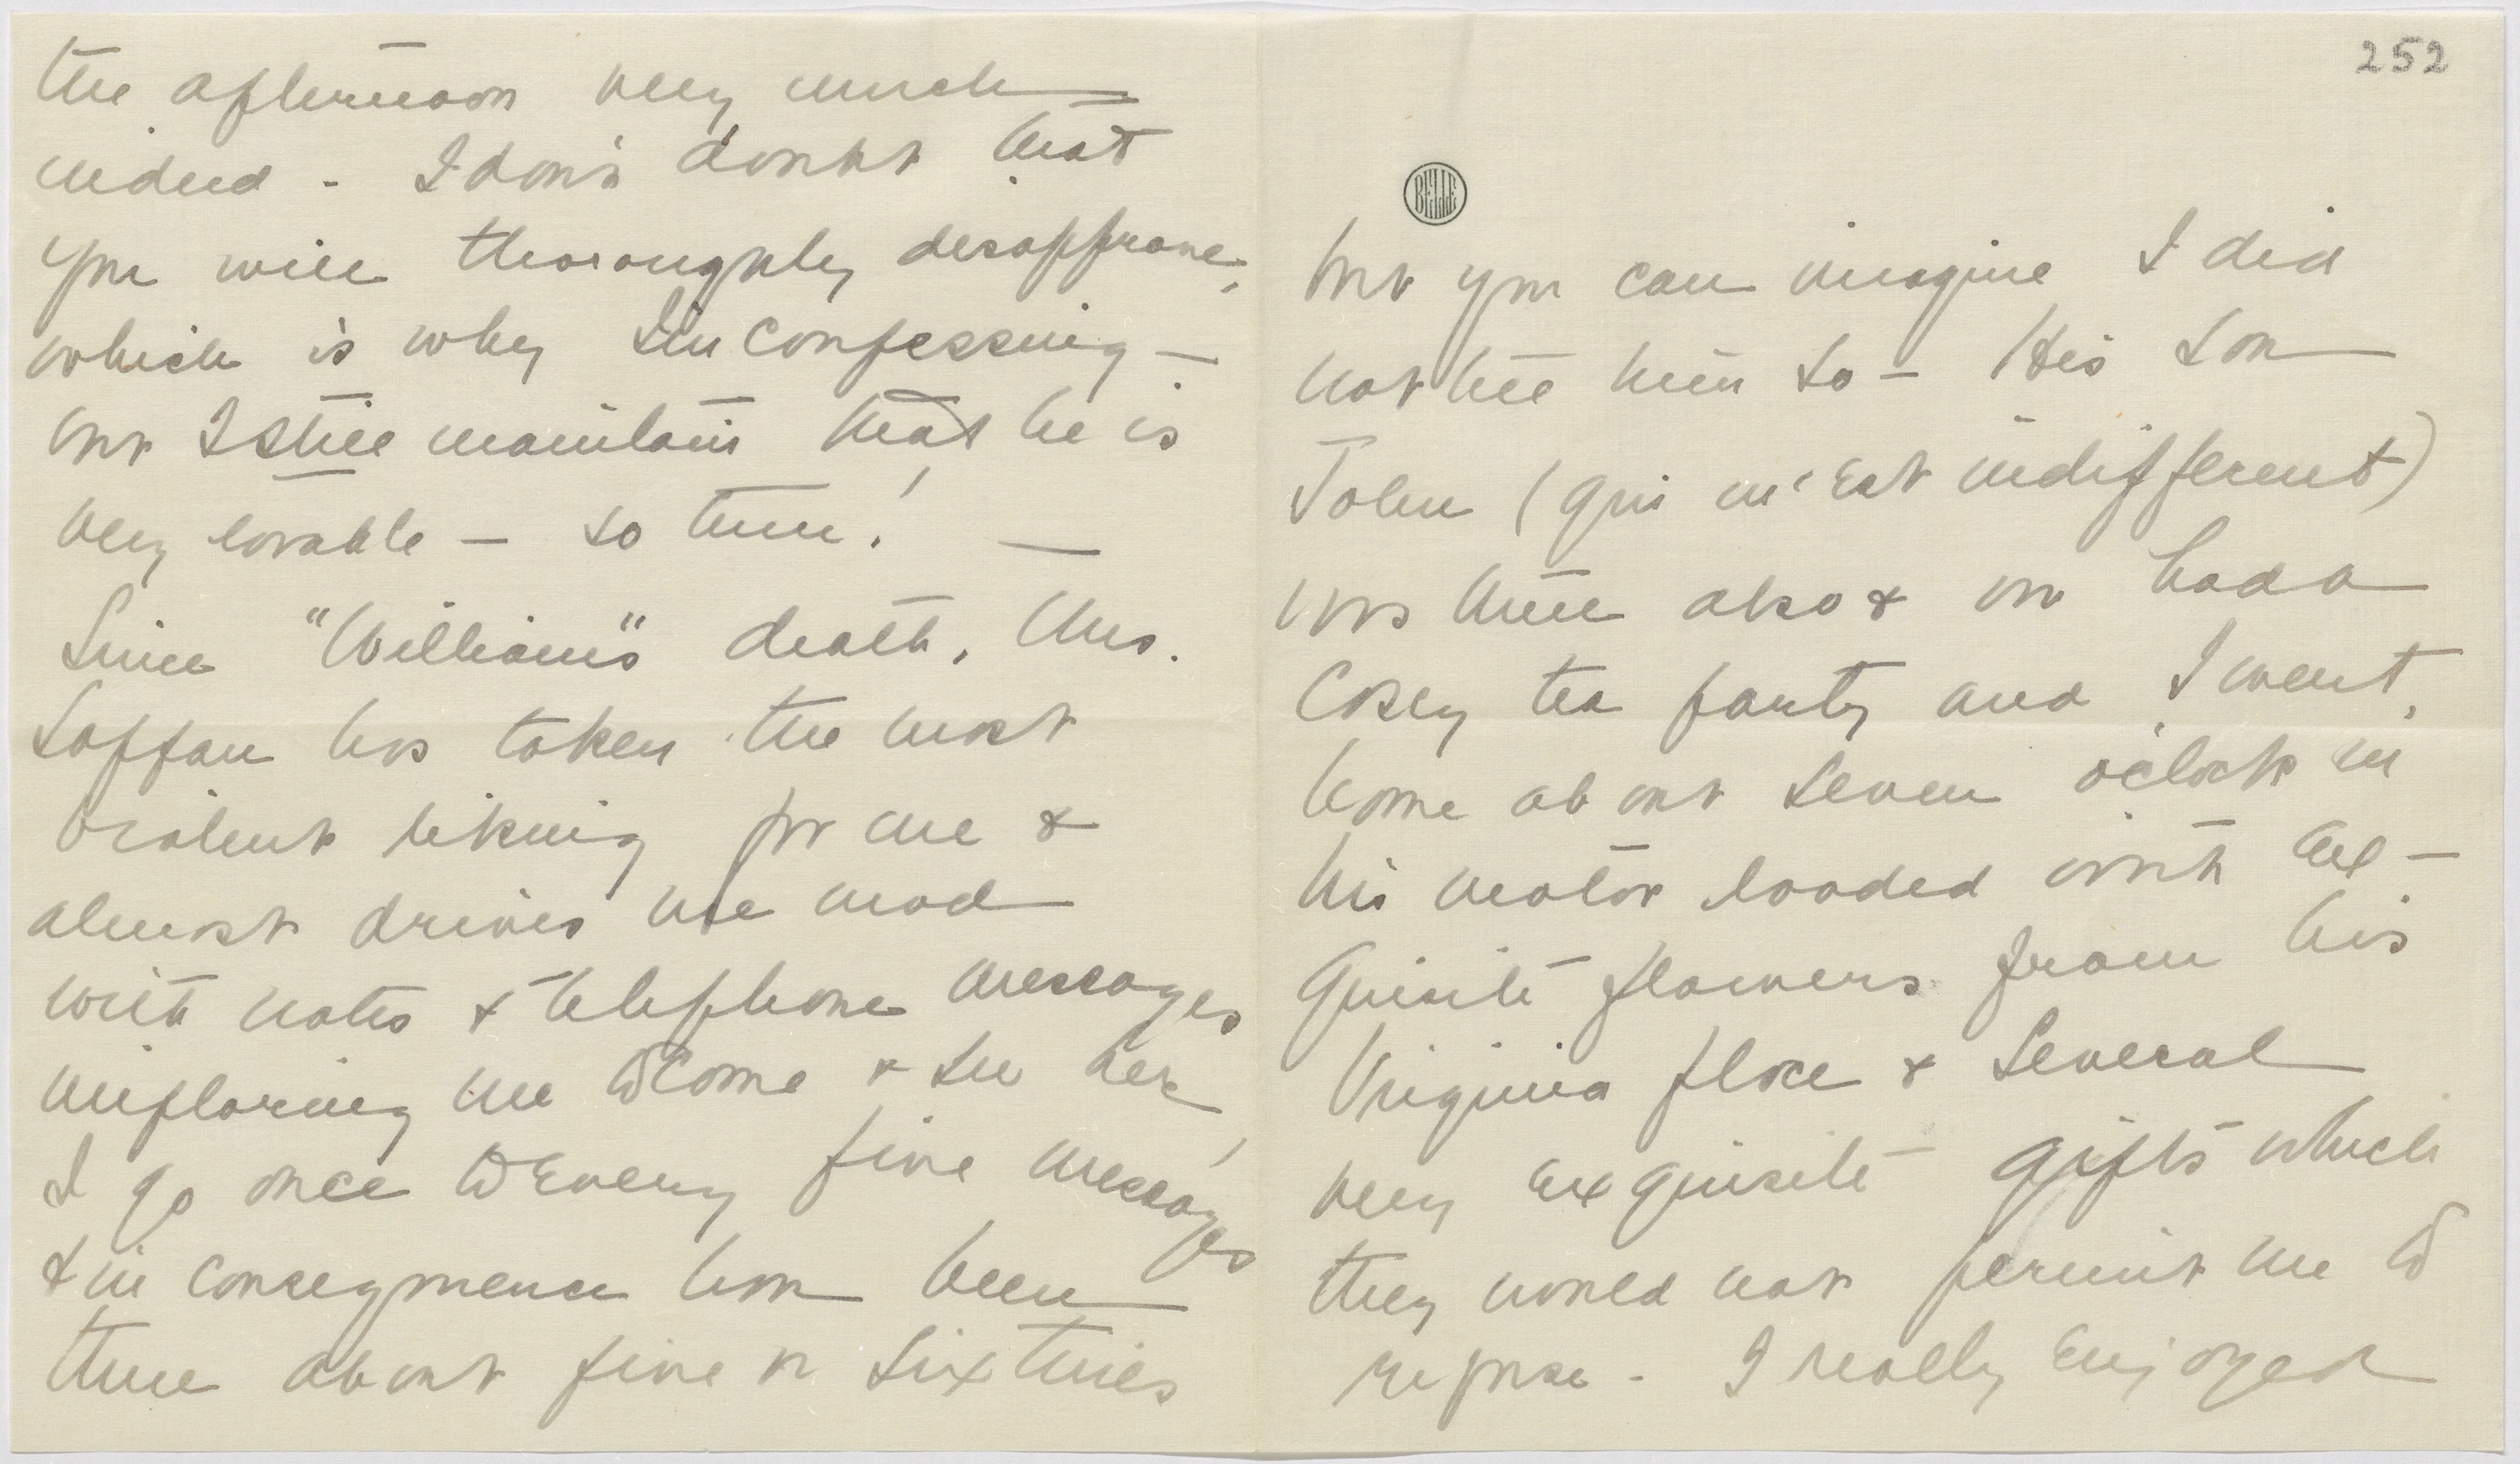but you can imagine I did not tell him so – His son John (qui n’est indifferent) was there also & we had a cosey [sic] tea party and I went home about seven o’clock in his motor loaded with exquisite flowers from his Virginia place & several very exquisite gifts which they would not permit me to refuse. I really enjoyed
the afternoon very much indeed – I don’t doubt that you will thoroughly disapprove, which is why I’m confessing – but I still maintain that he is very lovable – so there! –
Since “Williams” death, Mrs. Laffan has taken the most violent liking for me & almost drives me mad with notes & telephone messages imploring me to come & see her, I go once to every five messages & in consequence have been there about five or six times